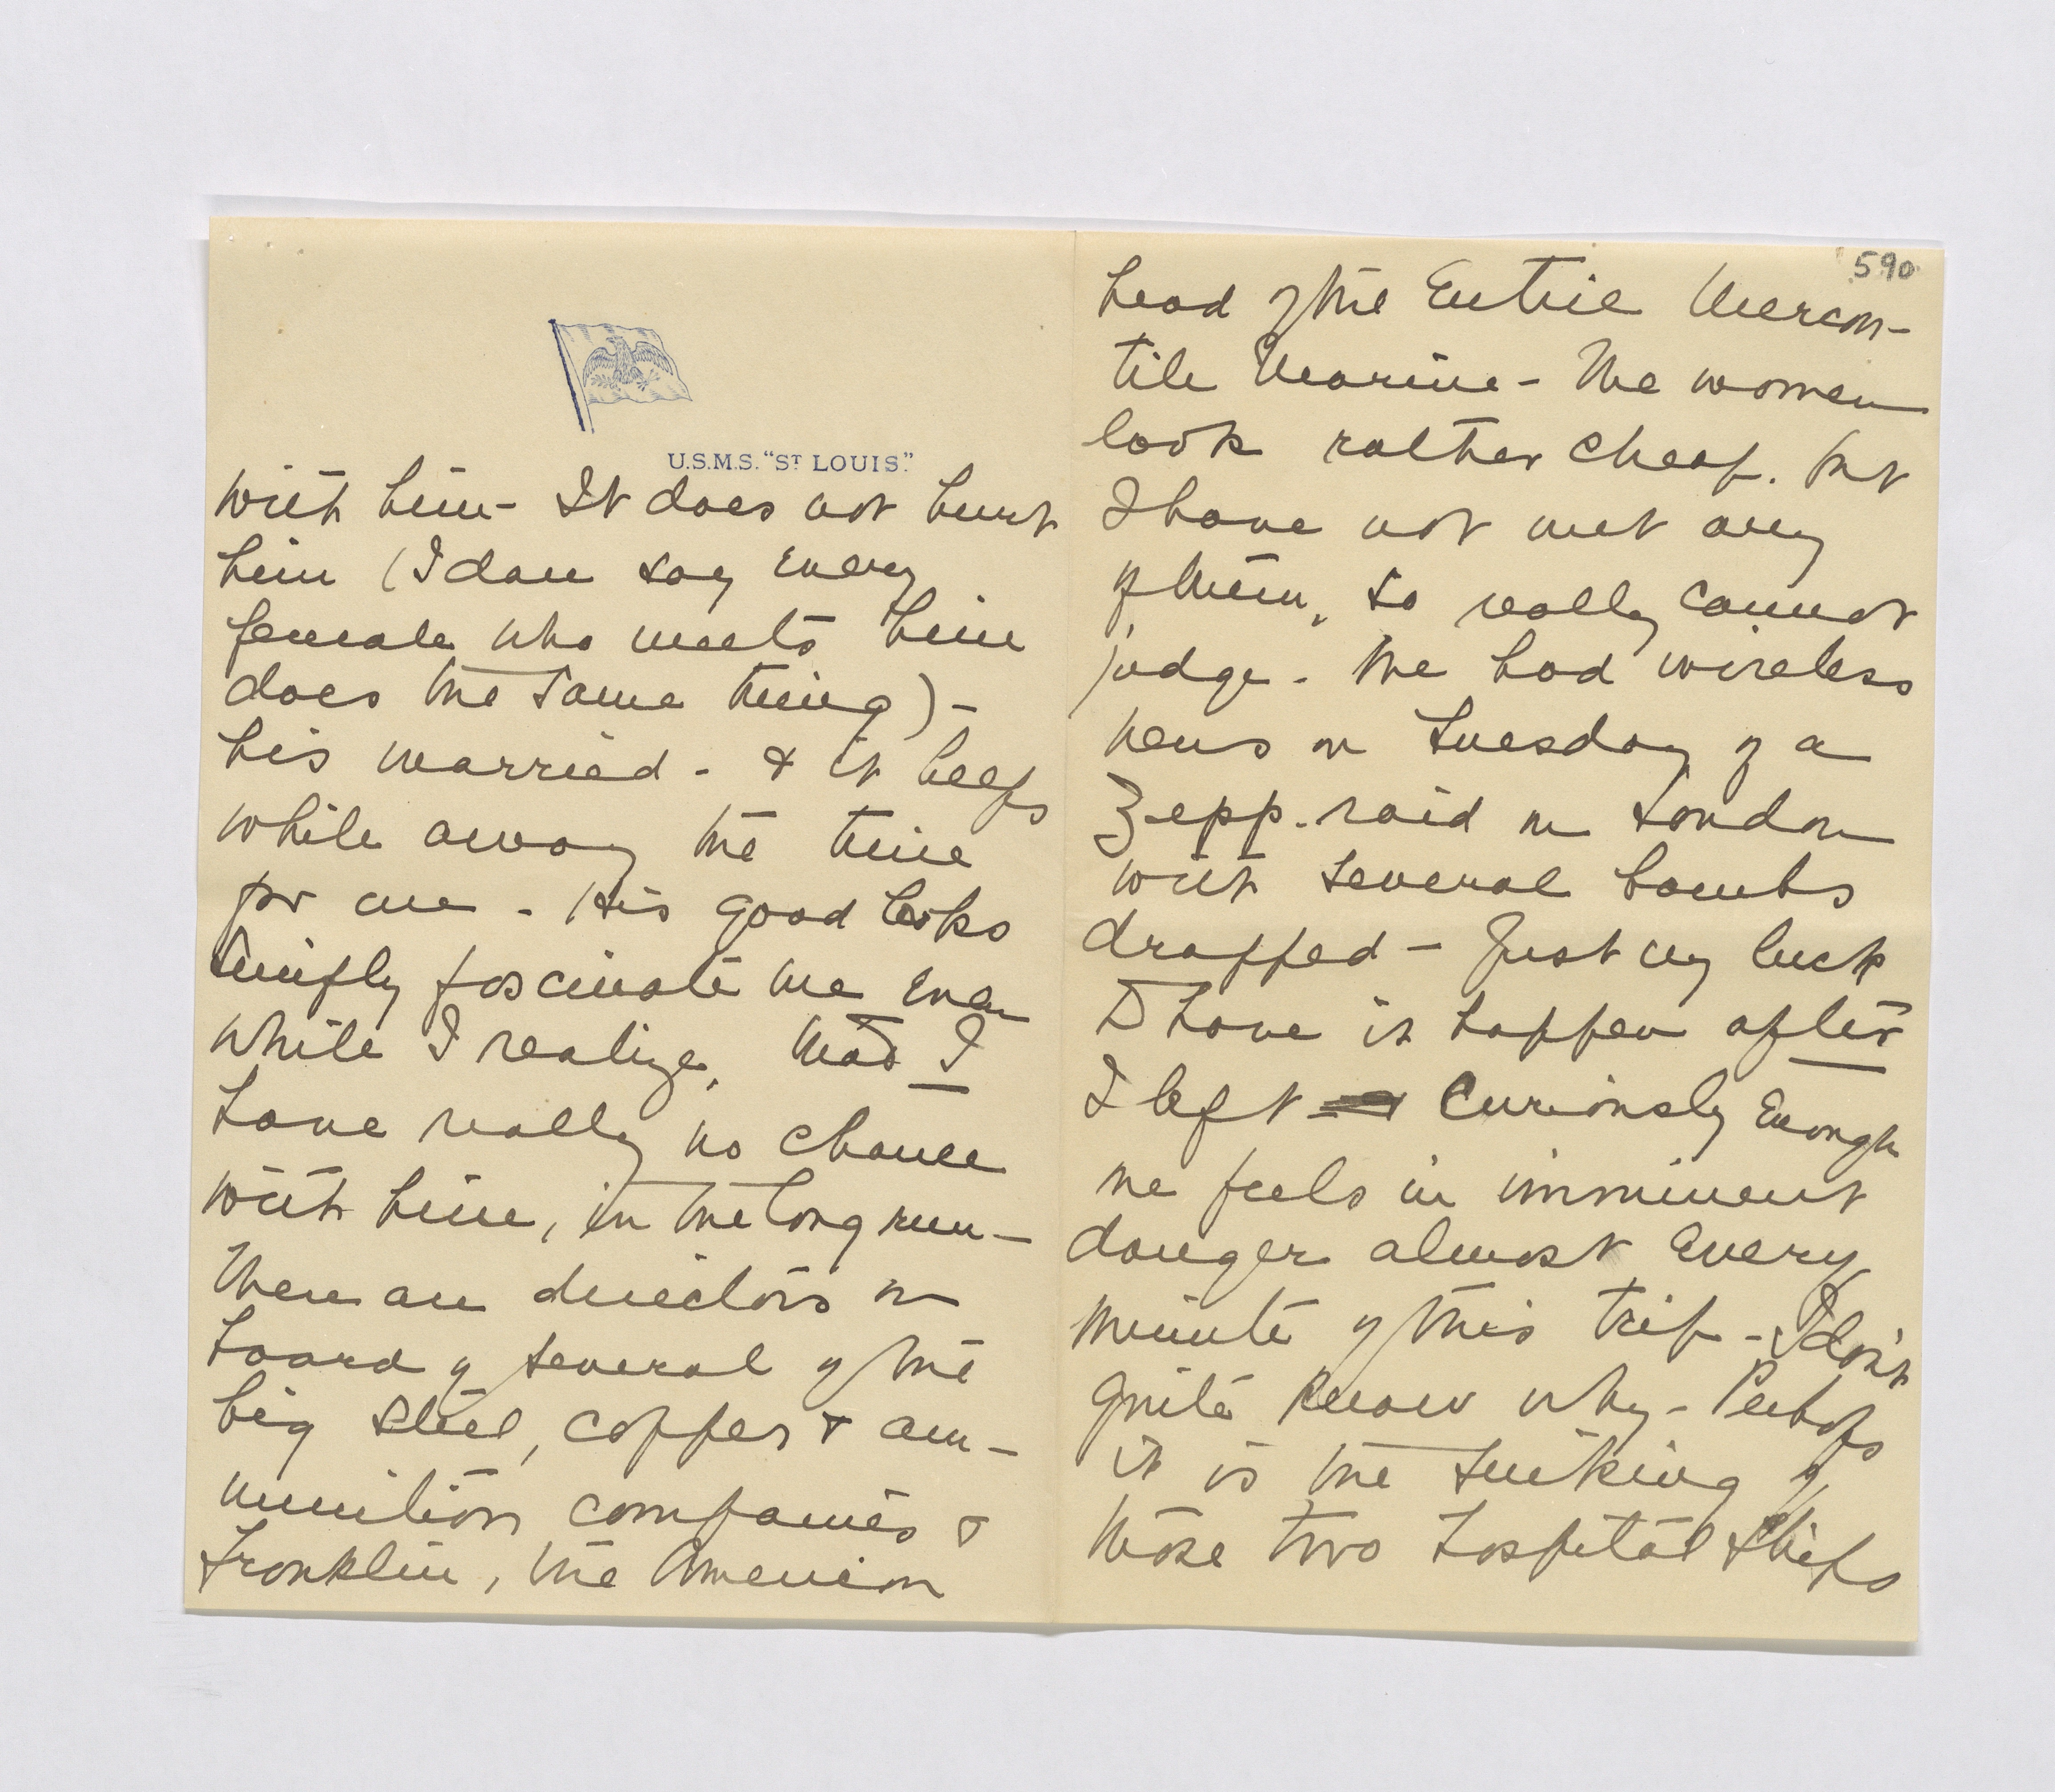with him – It does not hurt him (I dare say every female who meets him does the same thing) – he’s married – & it helps while away the time for me – His good looks simply fascinate me even while I realize, that I have really no chance with him, in the long run – there are directors on board of several of the big steel, copper & ammunition companies & Franklin, the American
head of the entire Mercantile Marine – The women look rather cheap. but I have not met any of them, so really cannot judge – We had wireless news on Tuesday of a Zepp. raid in London with several bombs dropped – just my luck to have it happen after I left – & curiously enough one feels in imminent danger almost every minute of this trip – I don’t quite know why – Perhaps it is the sinking of those two hospital ships